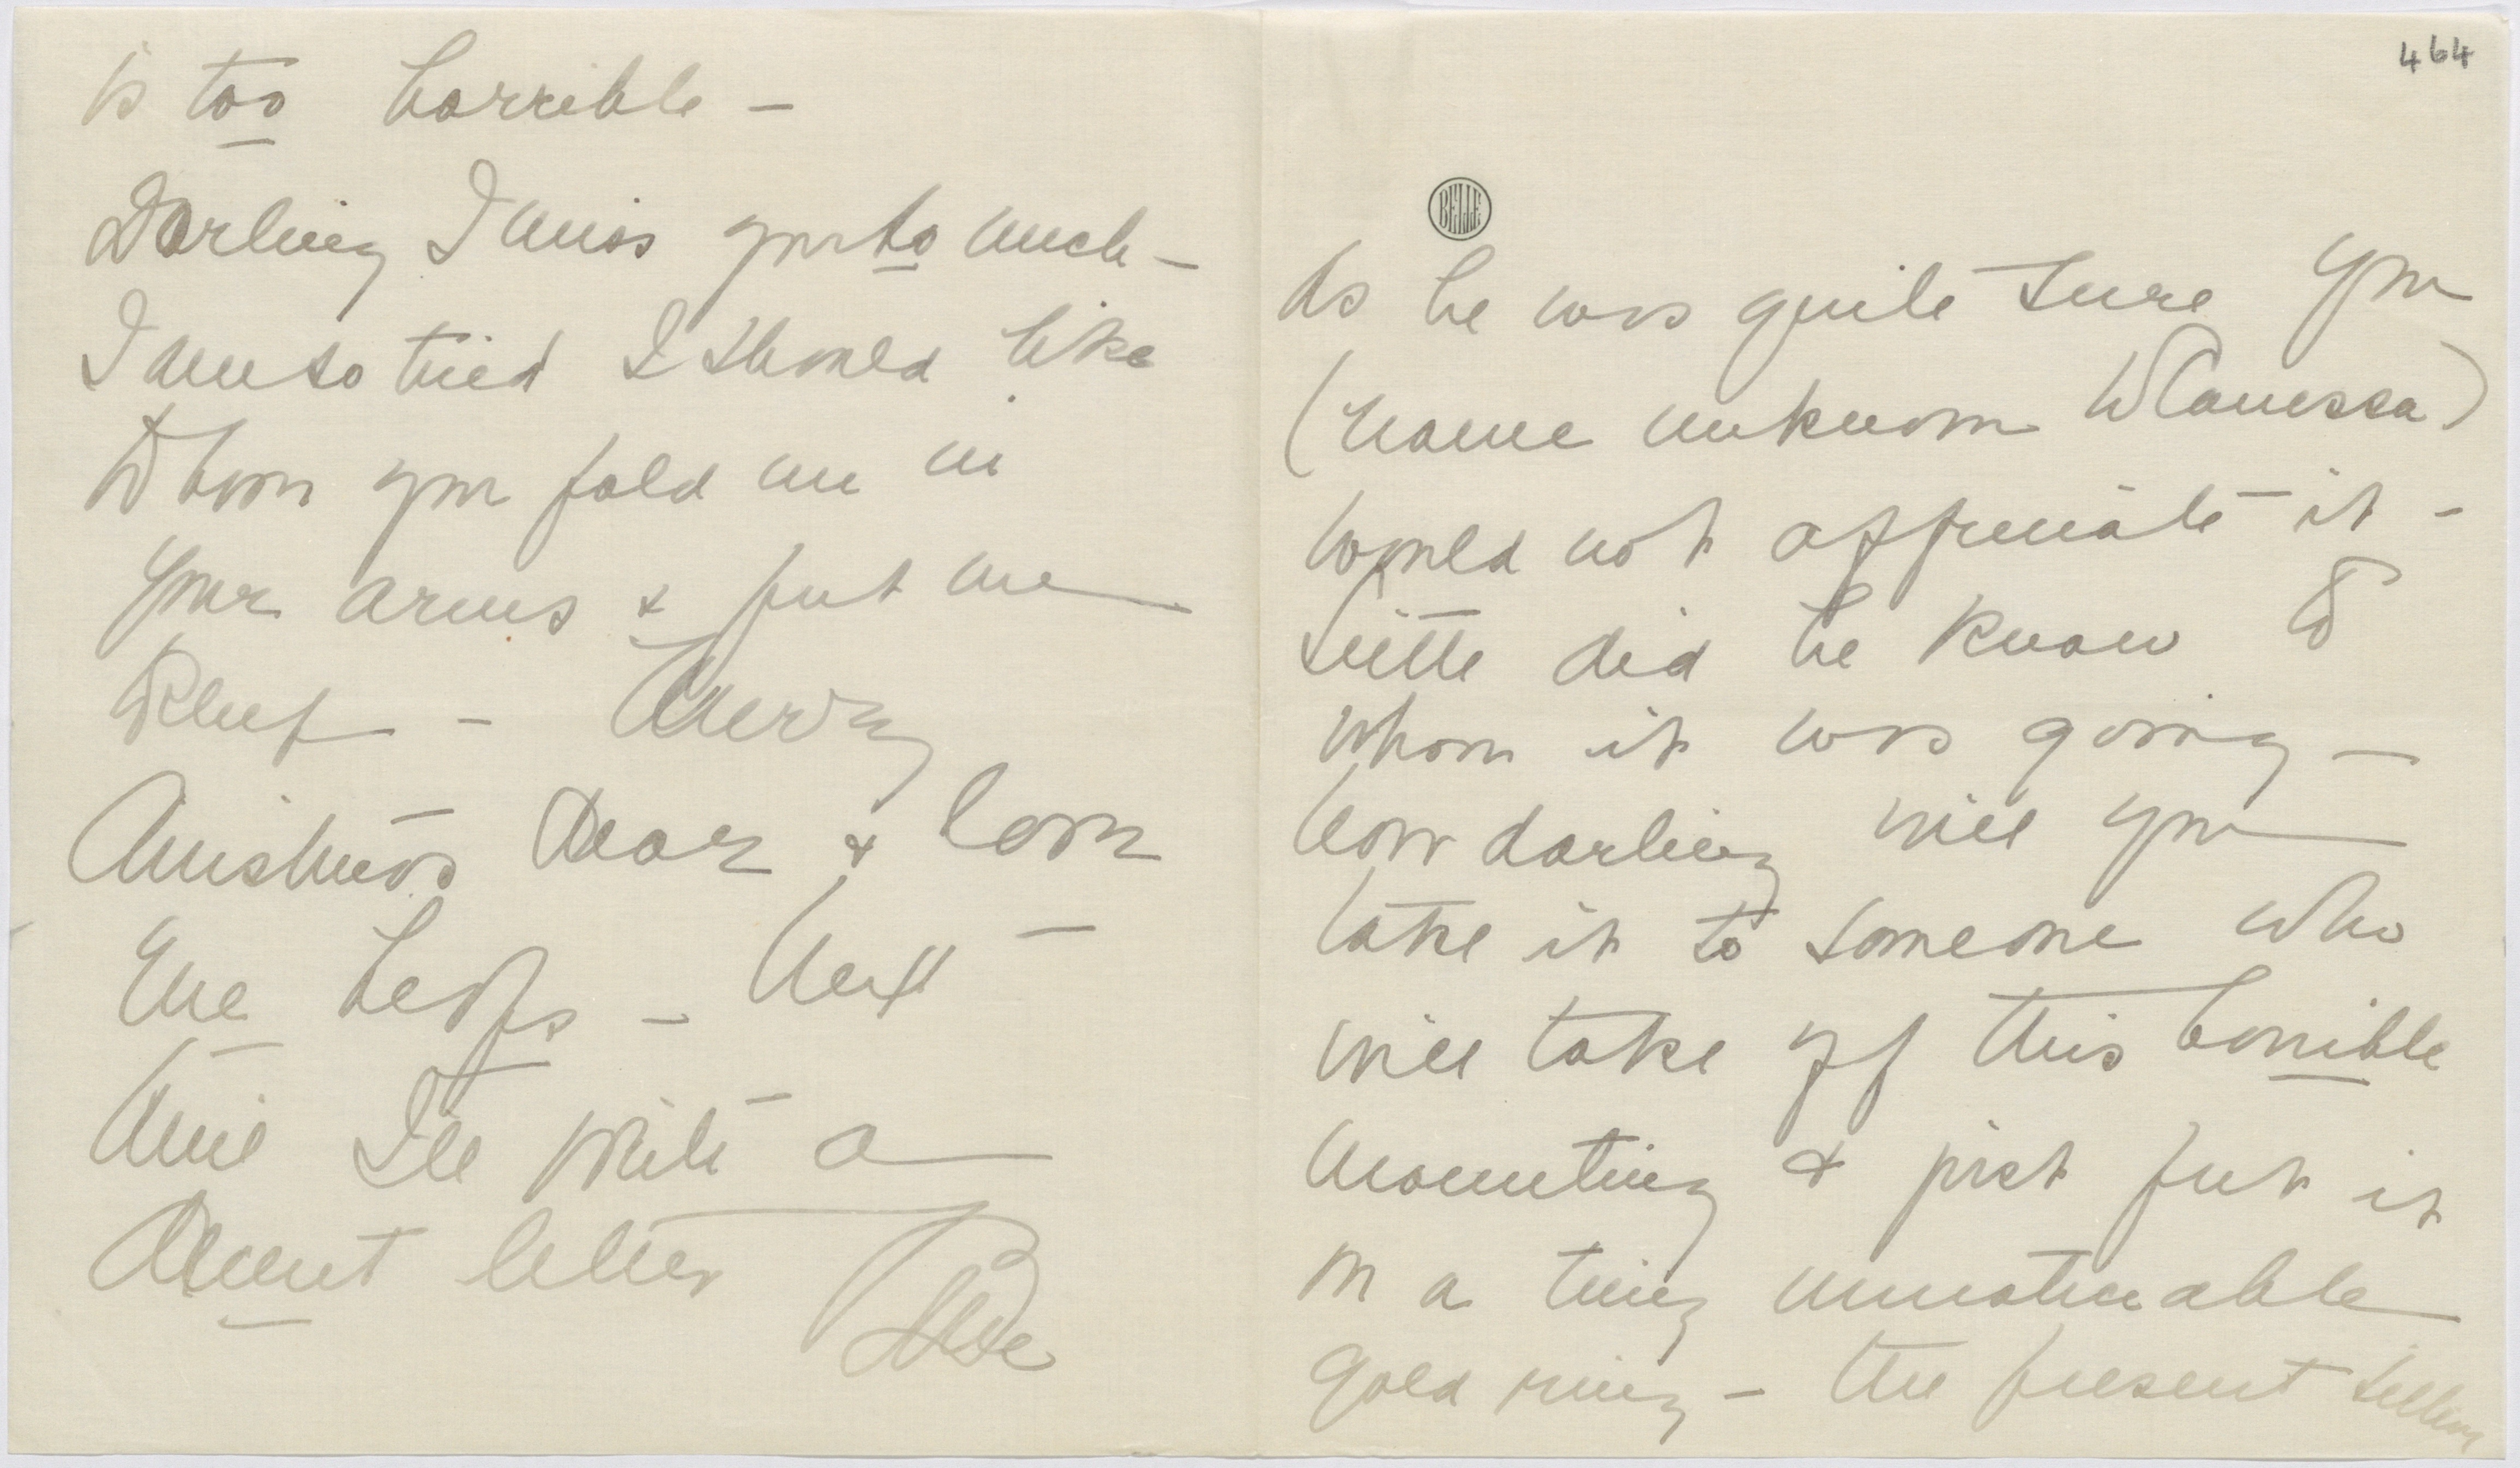as he was quite sure you (name unknown to Canessa) would not appreciate it – Little did he know to whom it was going – Now darling will you take it to someone who will take off this horrible mounting & just put it on a tiny unnoticeable gold ring – the present setting
is too horrible –
Darling I miss you so much – I am so tired I should like to have you fold me in your arms & put me to sleep – Merry Christmas dear & love me heaps – Next time I’ll write a decent letter Belle